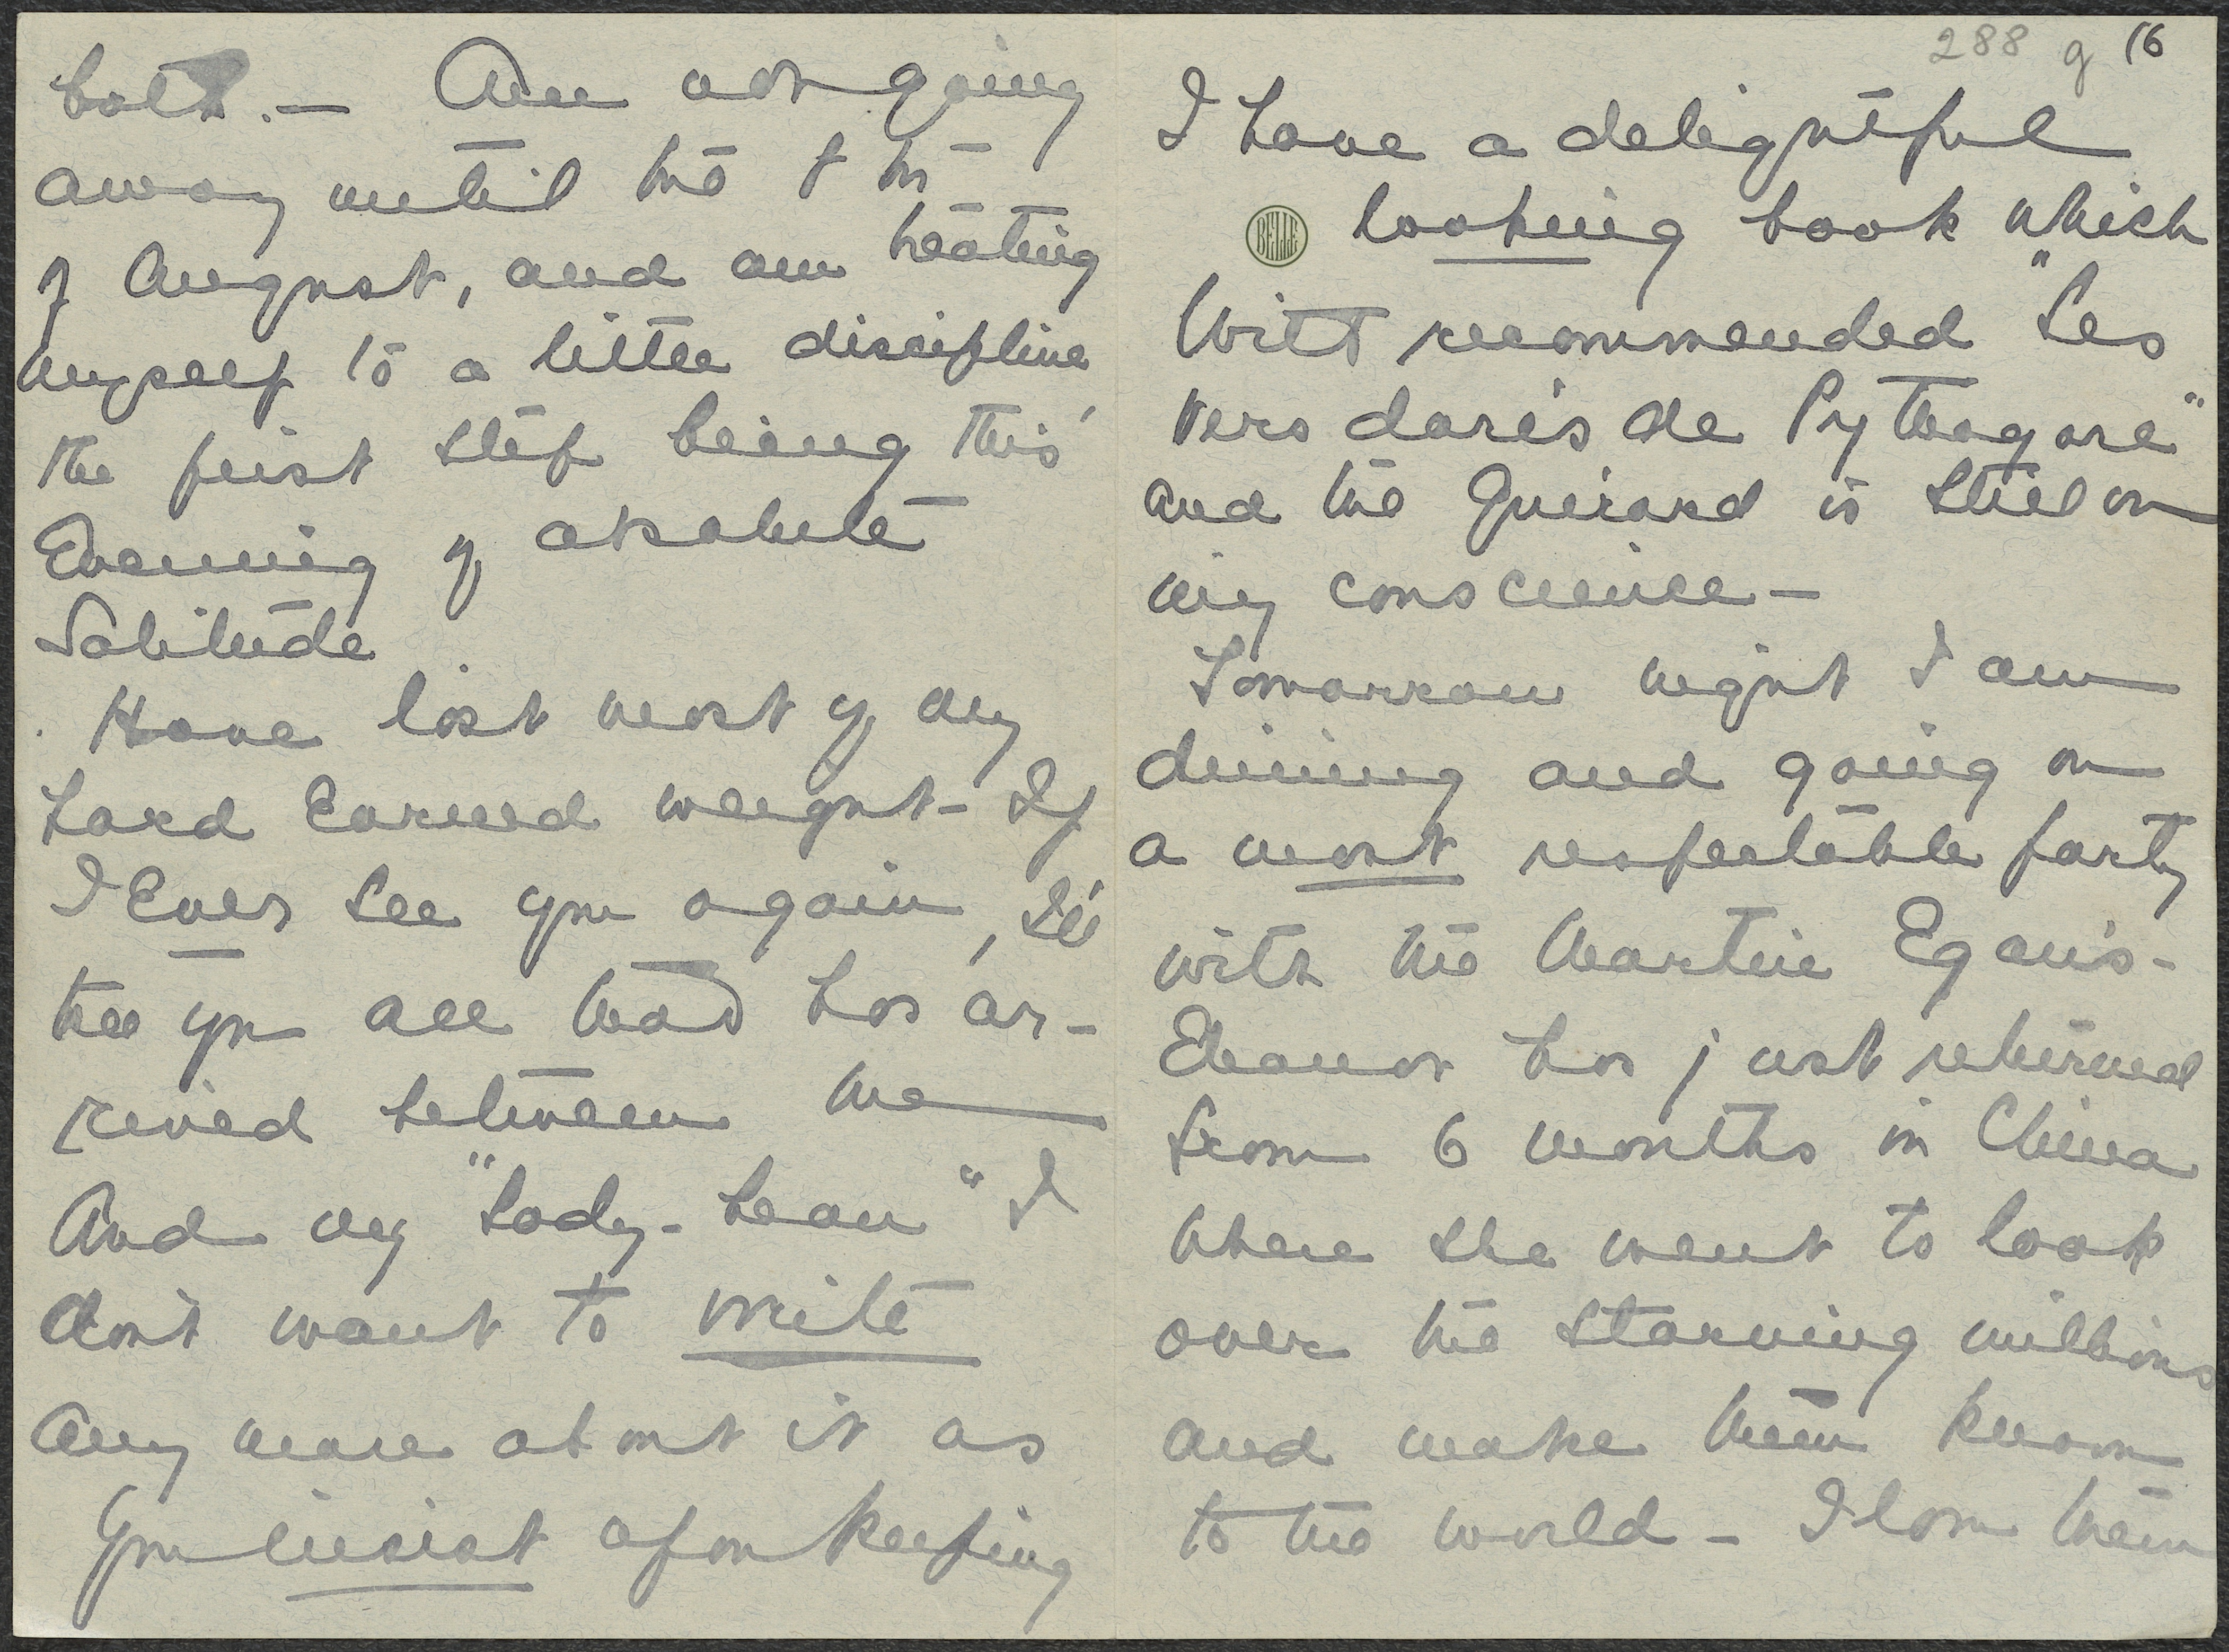I have a delightful looking book which Witt recommended “Les vers darés de Pythagore” and the Guérard is still on my conscience –
Tomorrow night I am dining and going on a most respectable party with the Martin Egan’s – Eleanor has just returned from 6 months in China where she went to look over the starving millions and make them known to the world – I love them
both – Am not going away until the 8th of August, and am treating myself to a little discipline the first step being this evening of absolute solitude.
Have lost most of my hard earned weight – If I ever see you again, I’ll tell you all that has arrived between me and my “Lady-beau” I don’t want to write any more about it as you insist upon keeping